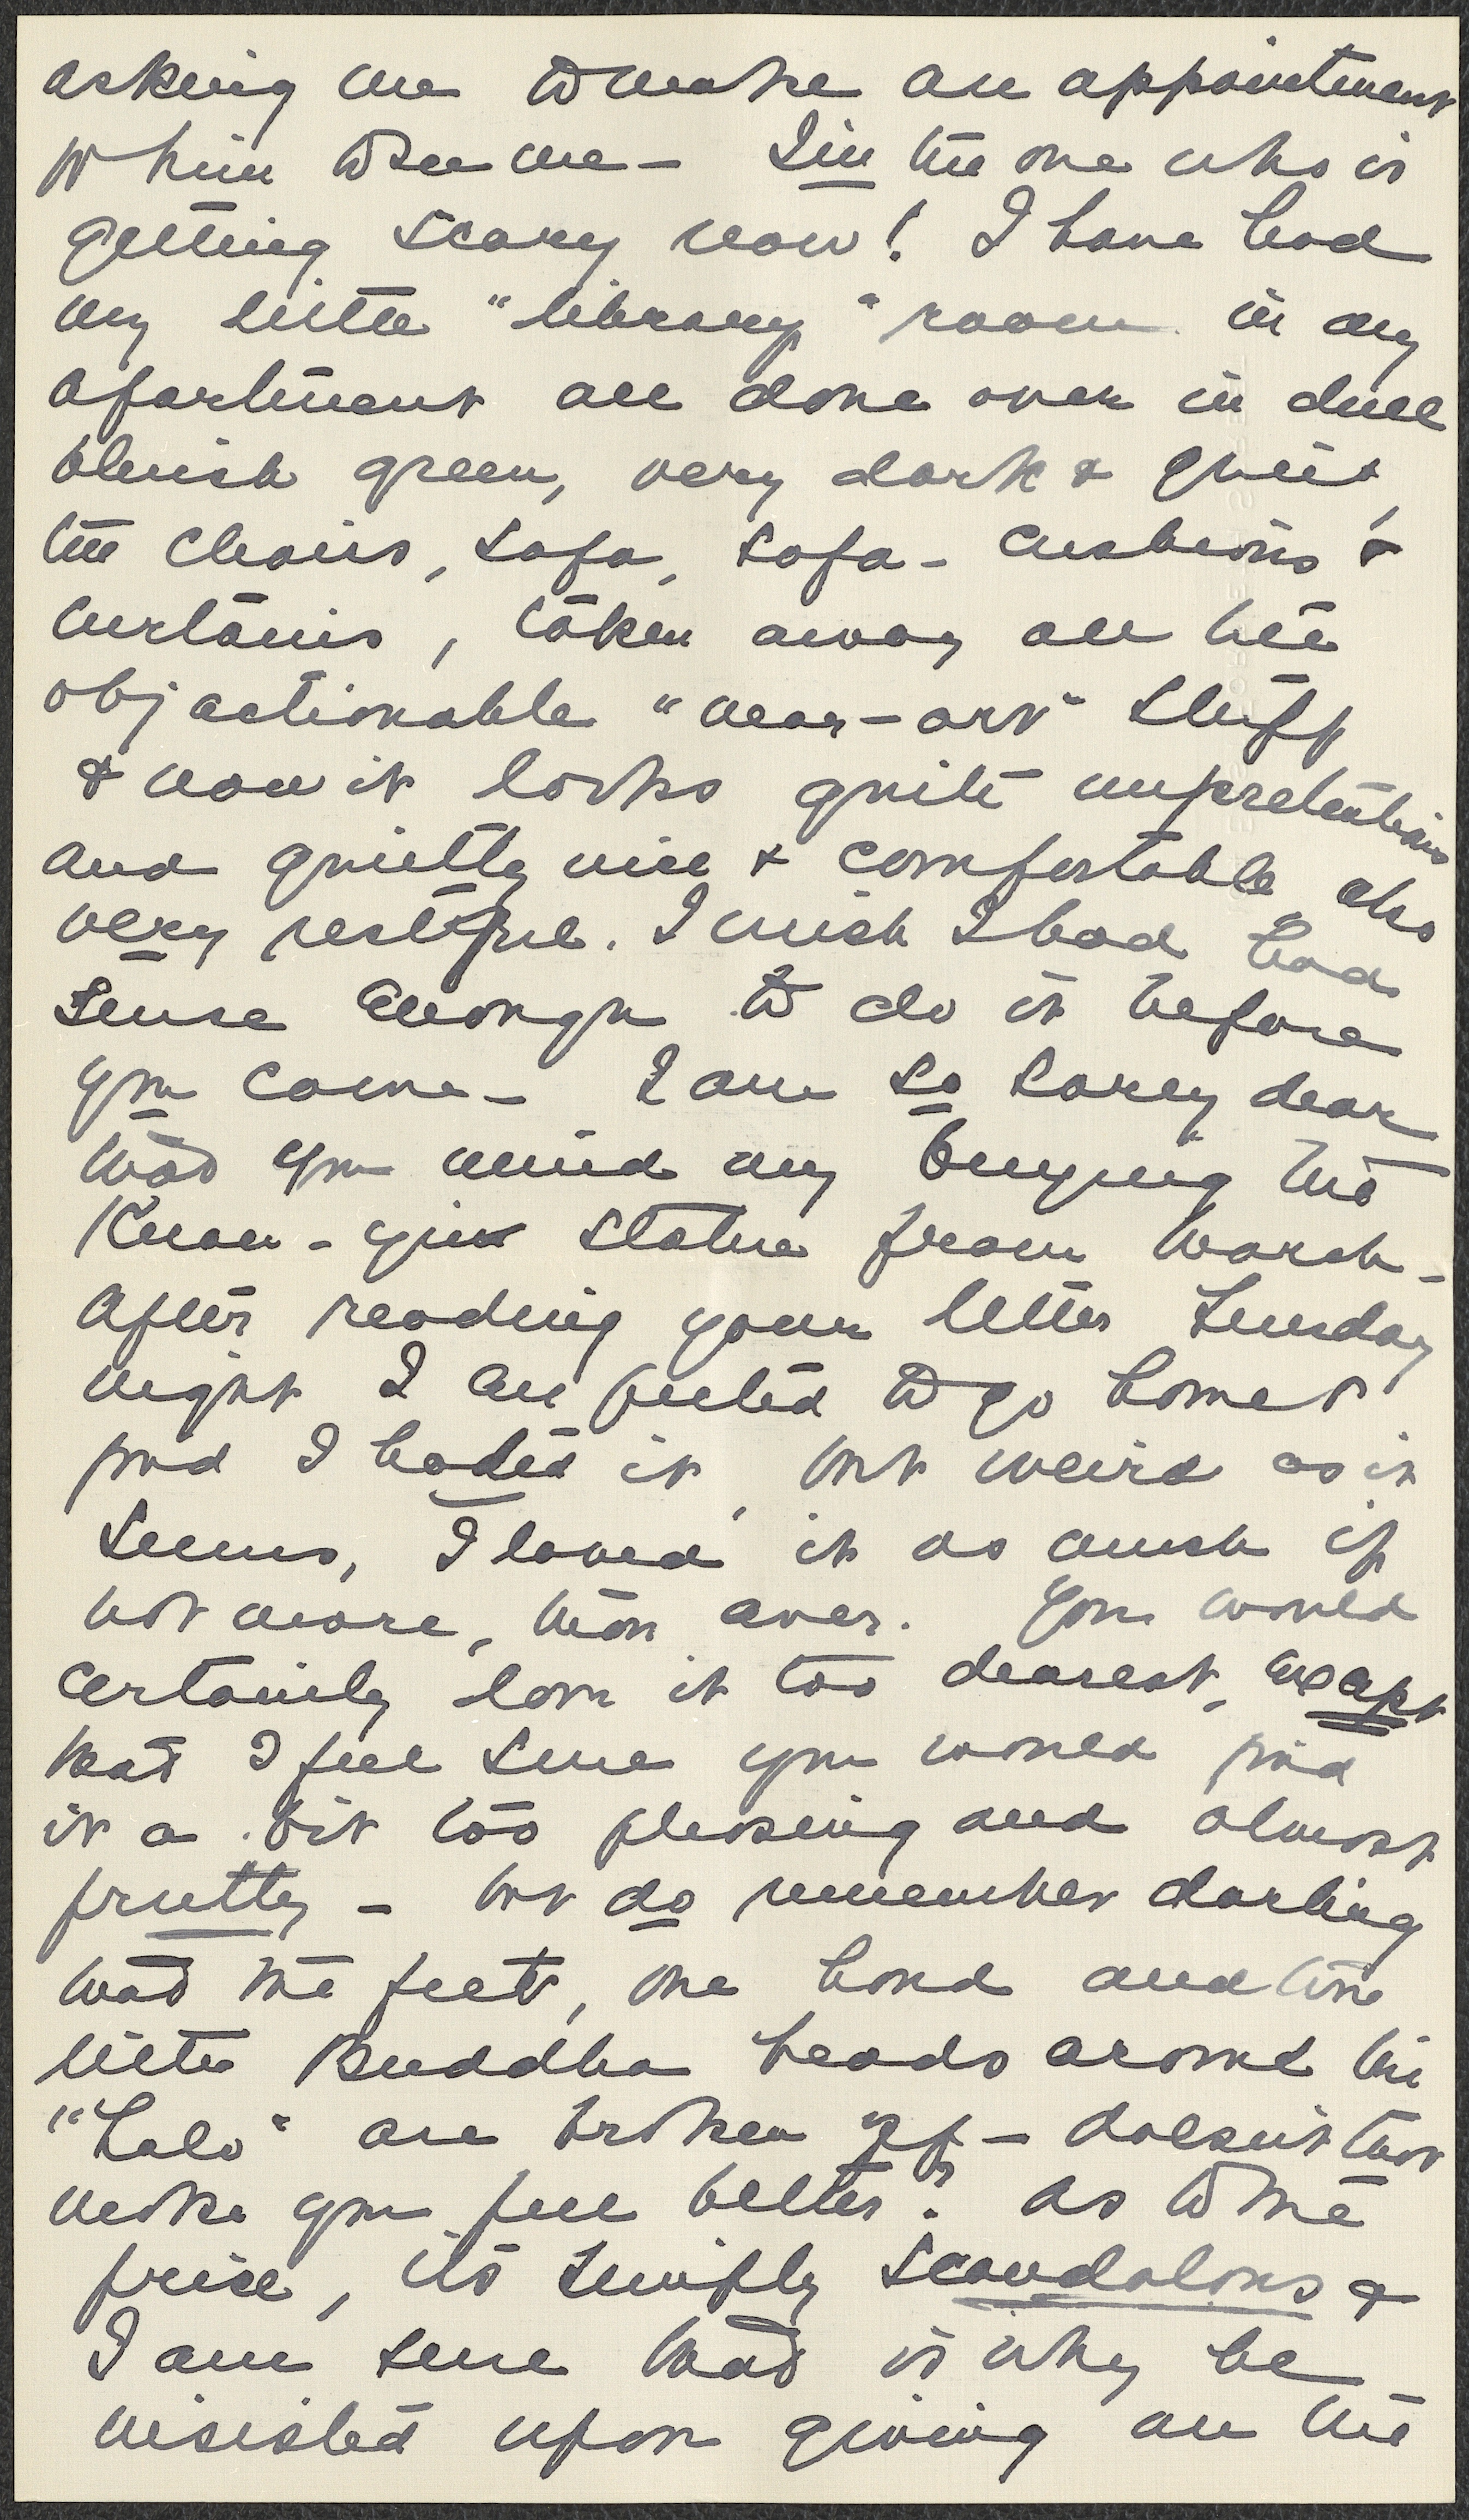asking me to make an appointment for him to see me – I’m the one who is getting scary now! I have had my little “library” room in my apartment all done over in dull bluish green, very dark & quiet, the chairs, sofa, sofa-cushions & curtains, taken away all the objectionable “near-art” stuff & now it looks quite unpretentious and quietly nice & comfortable also very restful. I wish I had had sense enough to do it before you came – I am so sorry dear that you mind my buying the Kwan-yin statue from Worch – after reading your letter Sunday night I expected to go home & find I hated it, but weird as it seems, I loved it as much if not more, than ever. You would certainly love it too dearest, [double underlined: except] that I feel sure you would find it a but too pleasing and almost pretty – but do remember darling that the feet, one hand and the little Buddha heads around the “halo” are broken off – doesn’t that make you feel better? As to the price, it’s simply scandalous & I am sure that is why he insisted upon giving me the